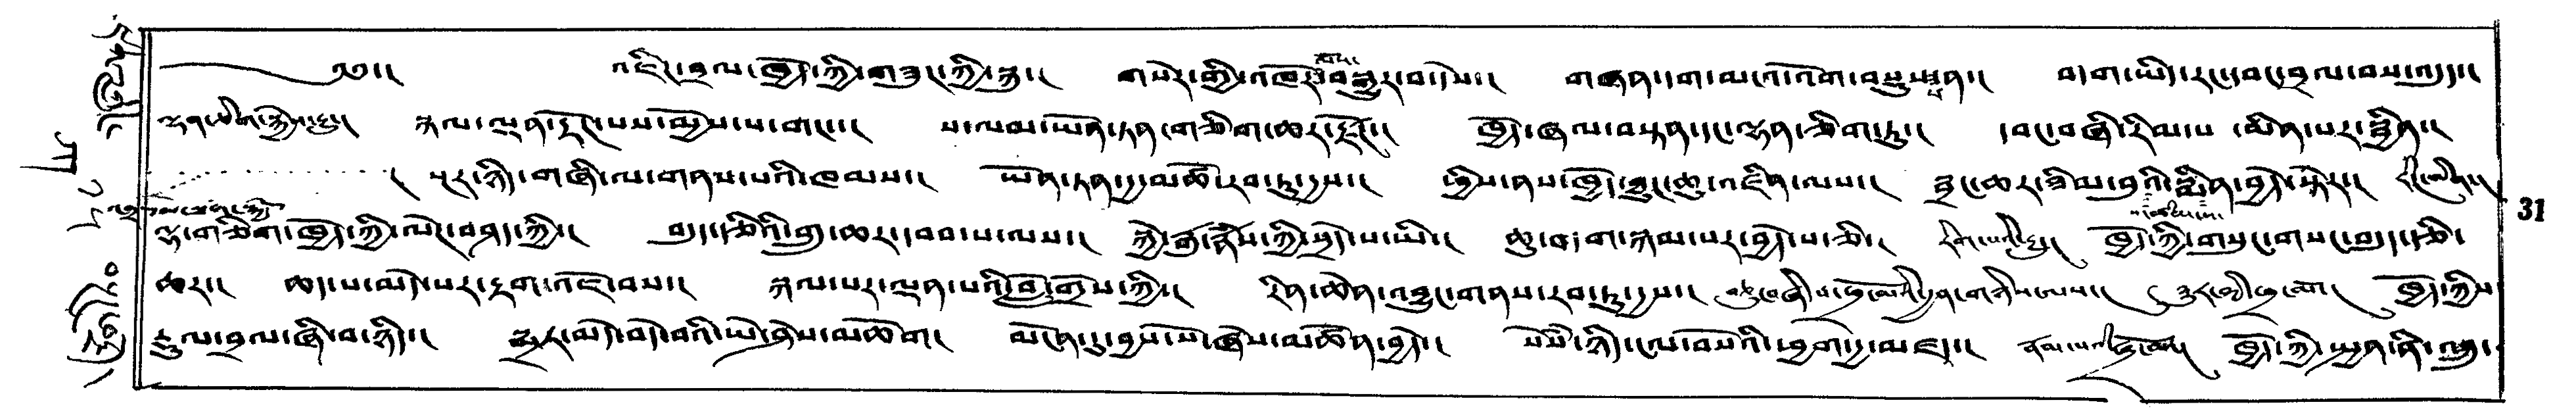འཇིགས་བྲལ་ཁྱོད་ཀྱི་གཟུགས་ཀྱི་སྐུ། །གསེར་གྱི་འཁོར་ལོས་བསྒྱུར་བ་དེས། །གཞན་དག་མངའ་འོག་བསྡུས་པ་ན། །བདག་ཡིད་རང་དབང་བྲལ་བས་འདུད། །
ལྷན་ཅིག་སྐྱེས་རྒྱུ། སྐལ་ལྡན་རྟོགས་པས་མྱོས་པ་གང་། །ས་ལམ་ཡོན་ཏན་གཅིག་ཆར་རྫོགས། །ཁྱོད་ཞལ་བསྟན་དང་ལྷན་ཅིག་ཏུ། །དབང་བཞི་རིམ་པ་མིན་པར་སྦྱིན། ། 
འབྲས་མ་ཐག་སྐྱེས། སྔར་ཉིད་གཞི་ལ་གནས་པའི་ཁམས། །ཡོན་ཏན་རྒྱ་མཚོ་རབ་ཏུ་རྒྱས། །ཕྱིས་ནས་ཁྱོད་ཐུགས་ཆུ་འཛིན་ལས། །སྦྲང་ཆར་ཟིམ་བུའི་སྨིན་བྱེད་སྟེར། ། རིགས་མིན། 
ལྷ་གཅིག་ཁྱོད་ཀྱི་ལེགས་བཤད་ཀྱི། །བདུད་རྩིའི་གྲུ་ཆར་དབབ་པ་ལས། །སྐྱེ་རྒུ་རྣམས་ཀྱི་སྲེད་པ་ཡི། །ཆུ་བདག་སྐམ་པར་བྱེད་པ་ཅི། ། རིགས་པའི་རྒྱུ། ཁྱོད་ཀྱི་གསུང་གསང་བདུད་རྩིའི་
ཆར། །ཆད་པ་མེད་པར་རྟག་འཇོ་བས། །སྐལ་བར་ལྡན་པའི་བློ་གྲོས་ཀྱི། །རིན་ཆེན་འབྱུང་གནས་རབ་ཏུ་རྒྱས། ། བཅུ་བཞི་པ་ཕྲ་མོའི་རྒྱན་གཉིས་ལས། ཟུར་གྱི་ཕྲ་མོ། ཁྱོད་ཀྱིས་
རྡུལ་བྲལ་ཞི་བ་ཉིད། །སྨྲར་མེད་བདེ་བའི་ཡེ་ཤེས་མཆོག །མངོན་དུ་བྱས་སོ་ཞེས་མཚོན་བྱེད། །སེམས་ཉིད་ངལ་བསོའི་ཕྱག་རྒྱ་མཛད། ། རྣམ་པའི་ཕྲ་མོ། ཁྱོད་ཀྱི་སྤྱན་ནི་འབྲུ་